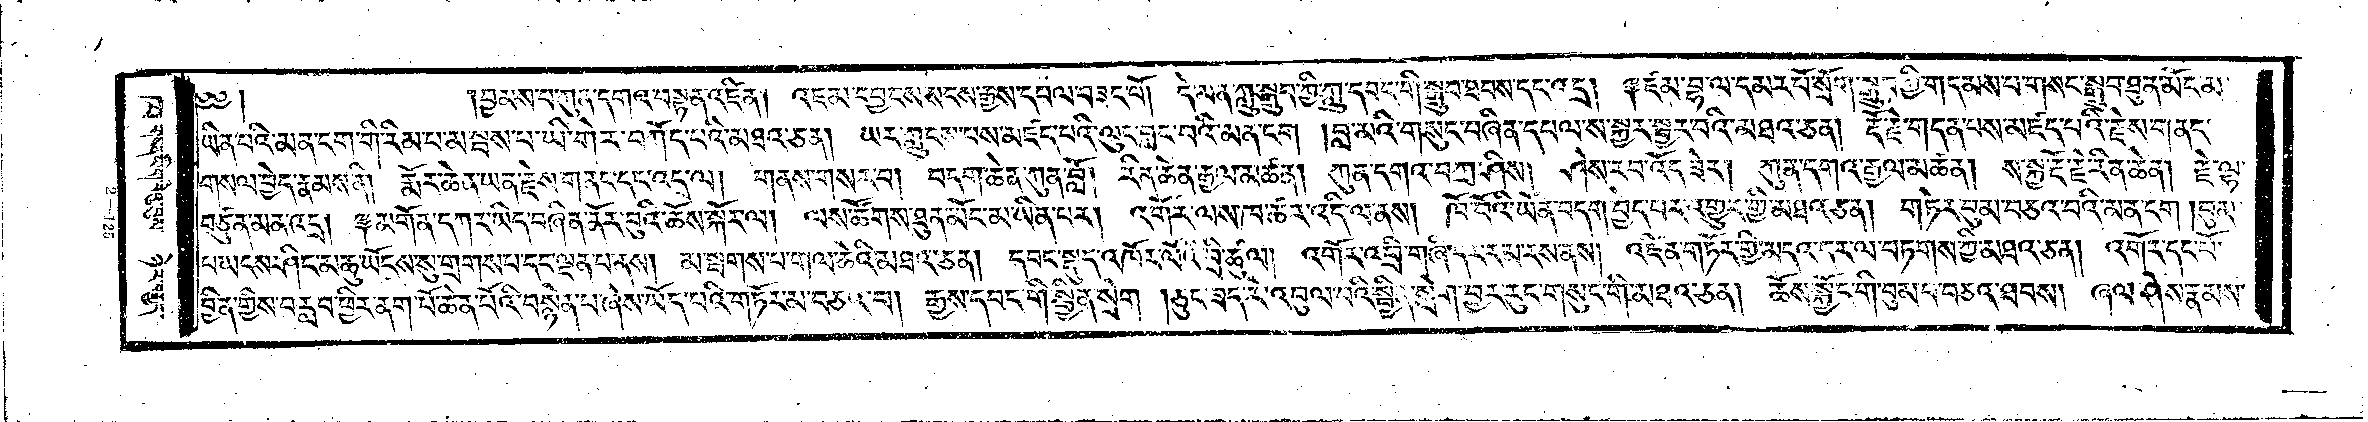༄༅། །བྱམས་པ་ཀུན་དགའ་བསྟན་འཛིན། འཇམ་དབྱངས་སངས་རྒྱས་དཔལ་བཟང་པོ། དེ་མན་ཀླུ་སྒྲུབ་ཀྱི་ཀླུ་དབང་གི་སྒྲུབ་ཐབས་དང་འདྲ། ༈ ཛམ་བྷ་ལ་དམར་པོ་སྲོག་སྒྲུབ་ཀྱི་གདམས་པ་གསང་སྒྲུབ་ཐུན་མོང་མ་
ཡིན་པའི་མན་ངག་གི་རིམ་པ་མ་སྦས་པ་ཡི་གེར་བཀོད་པའི་མཐའ་ཅན། ཡར་ཀླུངས་པས་མཛད་པའི་ལུང་བླང་བའི་མན་ངག །བླ་མའི་གསུང་བཞིན་དཔལ་ས་སྐྱར་སྦྱར་བའི་མཐའ་ཅན། རྡོ་རྗེ་གདན་པས་མཛད་པའི་རྗེས་གནང་
གསལ་བྱེད་རྣམས་ནི། རྨོར་ཆེན་ཡན་རྗེས་གནང་དང་འདྲ་ལ། གནས་གསར་བ། བདག་ཆེན་ཀུན་བློ། རིན་ཆེན་རྒྱལ་མཚན། ཀུན་དགའ་བཀྲ་ཤིས། ཤེས་རབ་འོད་ཟེར། ཀུན་དགའ་རྒྱལ་མཚན། ས་སྐྱ་རྡོ་རྗེ་རིན་ཆེན། རྗེ་ལྷ་
བཙུན་མན་འདྲ། ༈ མགོན་དཀར་ཡིད་བཞིན་ནོར་བུའི་ཆོས་སྐོར་ལ། ལས་ཚོགས་ཐུན་མོང་མ་ཡིན་པར། འགོར་ལས་ཁ་ཚར་འདི་ལ་ནས། ཁོ་བོའི་ཡོན་བདག་བྱེད་པར་འགྱུར་གྱི་མཐའ་ཅན། གཏེར་བུམ་བཅའ་བའི་མན་ངག །བུམ་
པ་མངས་ཤིང་མཆུ་ཡོངས་སུ་གྲགས་པ་དང་ལྡན་པ་ནས། མ་སྦགས་པ་གལ་ཆེའི་མཐའ་ཅན། དབང་སྡུད་འཁོར་ལོའི་བྲི་ཚུལ། འགོར་འབྲི་གཞི་དར་རམ་རས་ནས། འཛིན་གཏོར་གྱི་མདའ་དར་ལ་བཏགས་ཀྱི་མཐའ་ཅན། འགོར་དང་པོ་
བྱིན་གྱིས་བརླབ་ཕྱིར་ནག་པོ་ཆེན་པོའི་བསྙེན་པ་ཞེས་ཡོད་པའི་གཏོར་མ་བཅའ་བ། རྒྱས་དབང་གི་སྦྱིན་སྲེག །ཅུང་ཟད་རེ་འབུལ་བའི་སྦྱིན་སྲེག་བྱར་རུང་གསུང་གི་མཐའ་ཅན། ཆོས་སྐྱོང་གི་བུམ་པ་བཅའ་ཐབས། ཞལ་ཤེས་རྣམས་